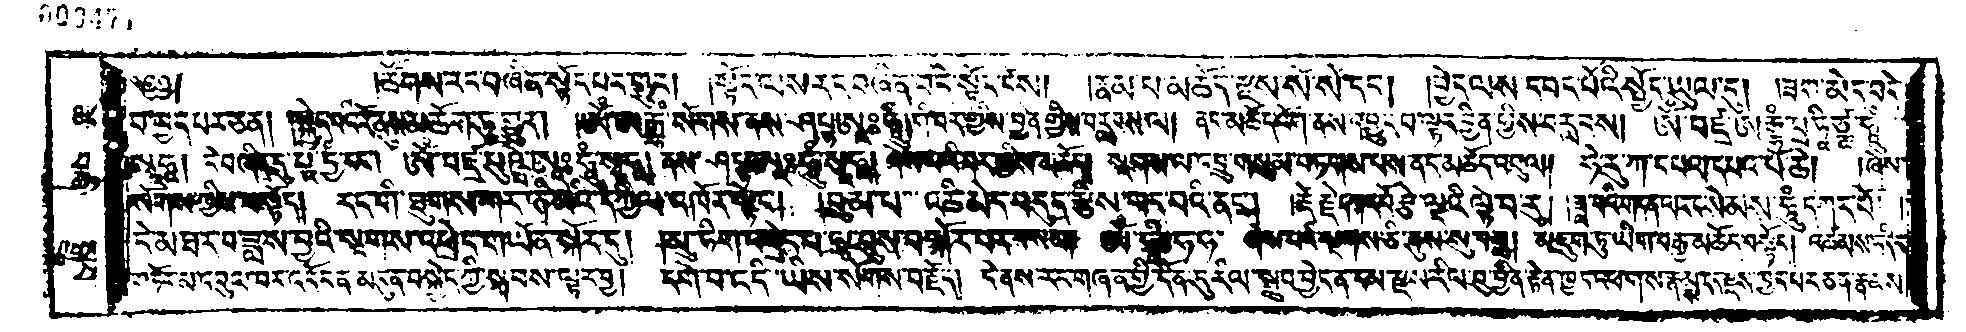༄༅། །ཚོགས་རང་བཞིན་སྟོང་པར་གྱུར། །སྟོང་ལས་རང་བཞིན་བདེ་སྟོང་ངོས། །རྣམ་པ་མཆོད་རྫས་སོ་སོ་དང་། །བྱེད་ལས་དབང་པོའི་སྤྱོད་ཡུལ་དུ། །ཟག་མེད་བདེ་
བ་ཁྱད་པར་ཅན། །སྐྱེད་བའི་རོ་ནུས་མཆོག་ཏུ་གྱུར། །ཨོཾ་ཨ་རྒྷཾ་སོགས་ནས་ཤཔྟ་ཨཱཿ ཧཱུཾ། གི་བར་གྱིས་བྱིན་གྱིས་བརླབས་ལ། ནང་མཆོད་འོག་ནས་འབྱུང་བ་ལྟར་བྱིན་གྱིས་བརླབས།  ཨོཾ་བཛྲ་ཨ་རྒྷཾ་པྲ་ཏཱི་ཙྪ་ཧཱུཾ་
སྭཱ་ཧཱ། དེ་བཞིན་དུ་པཱ་དྱཾ་དང་། ཨོཾ་བཛྲ་པུཥྤེ་ཨཱཿ ཧཱུཾ་སྭཱཧཱ། ནས་ཤཔྟ་ཨཱཿ ཧཱུཾ་སྭཱ་ཧཱ། ཞེས་པའི་བར་གྱིས་མཆོད། སྔགས་ལ་འབྲུ་གསུམ་བཏགས་པས་ནང་མཆོད་འབུལ།  ཧེ་རུ་ཀ་དཔལ་དཔའ་པོ་ཆེ། །ཞེས་
སོགས་ཀྱིས་བསྟོད། རང་གི་ཐུགས་ཀར་ཉི་མའི་དཀྱིལ་འཁོར་སྟེང་། །བུམ་པ་འཆི་མེད་བདུད་རྩིས་གང་བའི་ནང་། །རྡོ་རྗེ་དཀར་པོ་རྩེ་ལྔའི་ལྟེ་བ་རུ། །ཟླ་བའི་གདན་ལ་རང་སེམས་ཧཱུཾ་དཀར་པོ། །
དེ་མཐར་བཟླས་བྱའི་སྔགས་འཕྲེང་གཡོན་སྐོར་དུ། །མུ་ཏིག་འཕྲེང་པ་ལྟ་བུས་བསྐོར་བར་བསམ། ཨོཾ་ཧྲཱིཿ ཧ་ཧ་ཞེས་པའི་སྔགས་ཅི་ནུས་སུ་བཟླ། མཇུག་ཏུ་ཡིག་བརྒྱ་མཆོད་བསྟོད། འཚམས་འདིར་
གཏོར་མ་འབུལ་བར་འདོད་ན་མདུན་བསྐྱེད་ཀྱི་སྐབས་ལྟར་བྱ། དགེ་བ་འདི་ཡིས་སོགས་བརྗོད། དེ་ནས་རང་གཞན་གྱི་དོན་དུ་རིལ་སྒྲུབ་བྱེད་ན་དམ་རྫས་རིལ་བུ་བྱིན་རྟེན་ཁྱད་འཕགས་རྣམས་དང་རྫས་ཁྱད་པར་ཅན་རྣམས་